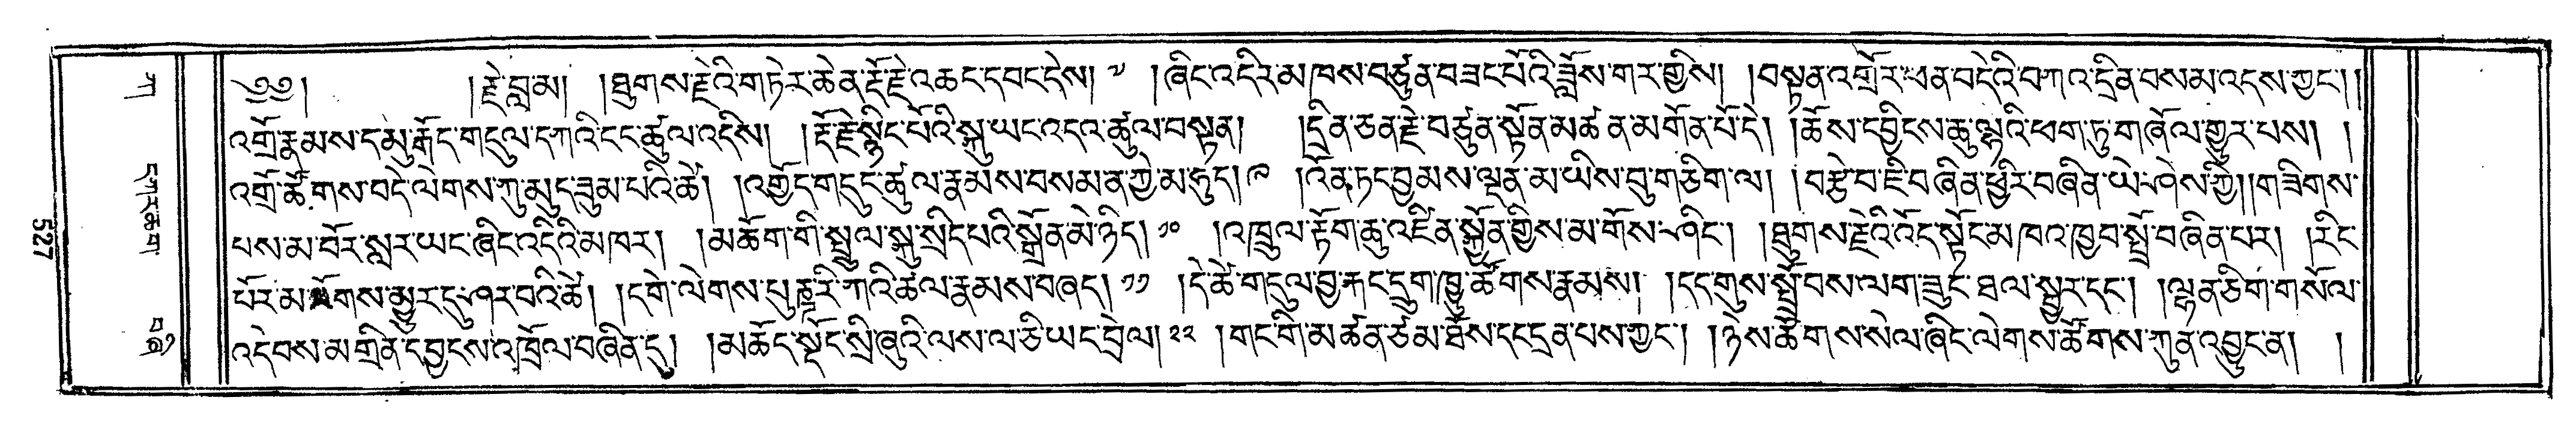༄༅། །རྗེ་བླ་མ། །ཐུགས་རྗེའི་གཏེར་ཆེན་རྡོ་རྗེ་འཆང་དབང་དེས། ༧་།ཞིང་འདིར་མཁས་བཙུན་བཟང་པོའི་ཟློས་གར་གྱིས། །བསྟན་འགྲོར་ཕན་བདེའི་བཀའ་དྲིན་བསམ་འདས་ཀྱང་།
འགྲོ་རྣམས་དམུ་རྒོད་གདུལ་དཀའི་ངང་ཚུལ་འདིས། །རྡོ་རྗེ་སྙིང་པོའི་སྐུ་ཡང་འདའ་ཚུལ་བསྟན། ༨་།དྲིན་ཅན་རྗེ་བཙུན་སྟོན་མཚན་མགོན་པོ་དེ། །ཆོས་དབྱིངས་ཆུ་ལྷའི་ཕག་ཏུ་གཞོལ་གྱུར་པས། །
འགྲོ་ཚོགས་བདེ་ལེགས་ཀུ་མུད་ཟུམ་པའི་ཚེ། །འགྱོད་གདུང་ཚུལ་རྣམས་བསམ་ན་ཀྱེ་མ་ཧུད། ༩་།འོན་ཏང་བྱམས་ལྡན་མ་ཡིས་བུ་གཅིག་ལ། །བརྩེ་བ་ཇི་བཞིན་ཕྱིར་བཞིན་ཡེ་ཤེས་ཀྱི། །གཟིགས་
པས་མ་བོར་སླར་ཡང་ཞིང་འདིའི་མཁར། །མཆོག་གི་སྤྲུལ་སྐུ་སྤྲིད་པའི་སྒྲོན་མེ་ཉིད། ༡༠་།འཁྲུལ་རྟོག་ཆུ་འཛིན་སྐྱོན་གྱིས་མ་གོས་ཤིང་། །ཐུགས་རྗེའི་འོད་སྟོང་མཁའ་ཁྱབ་སྤྲོ་བཞིན་པར། །རིང་
པོར་མ་ཐོགས་མྱུར་དུ་ཤར་བའི་ཚེ། །དགེ་ལེགས་པུཎྜ་རི་ཀའི་ཚལ་རྣམས་བཞད། ༡༡་།དེ་ཚེ་གདུལ་བྱ་རྐང་དྲུག་ཁྱུ་ཚོགས་རྣམས། །དད་གུས་སྤྲོ་བས་ལག་ཟུང་ཐལ་སྦྱར་དང་། །ལྷན་ཅིག་གསོལ་
འདེབས་མགྲིན་དབྱངས་འཁྲོལ་བཞིན་དུ། །མཆོད་སྡོང་སྲི་ཞུའི་ལས་ལ་ཅི་ཡང་བྲེལ། ༢༢་།གང་གི་མཚན་ཙམ་ཐོས་དང་དྲན་པས་ཀྱང་། །ཉེས་ཚོགས་སེལ་ཞིང་ལེགས་ཚོགས་ཀུན་འབྱུང་ན། །